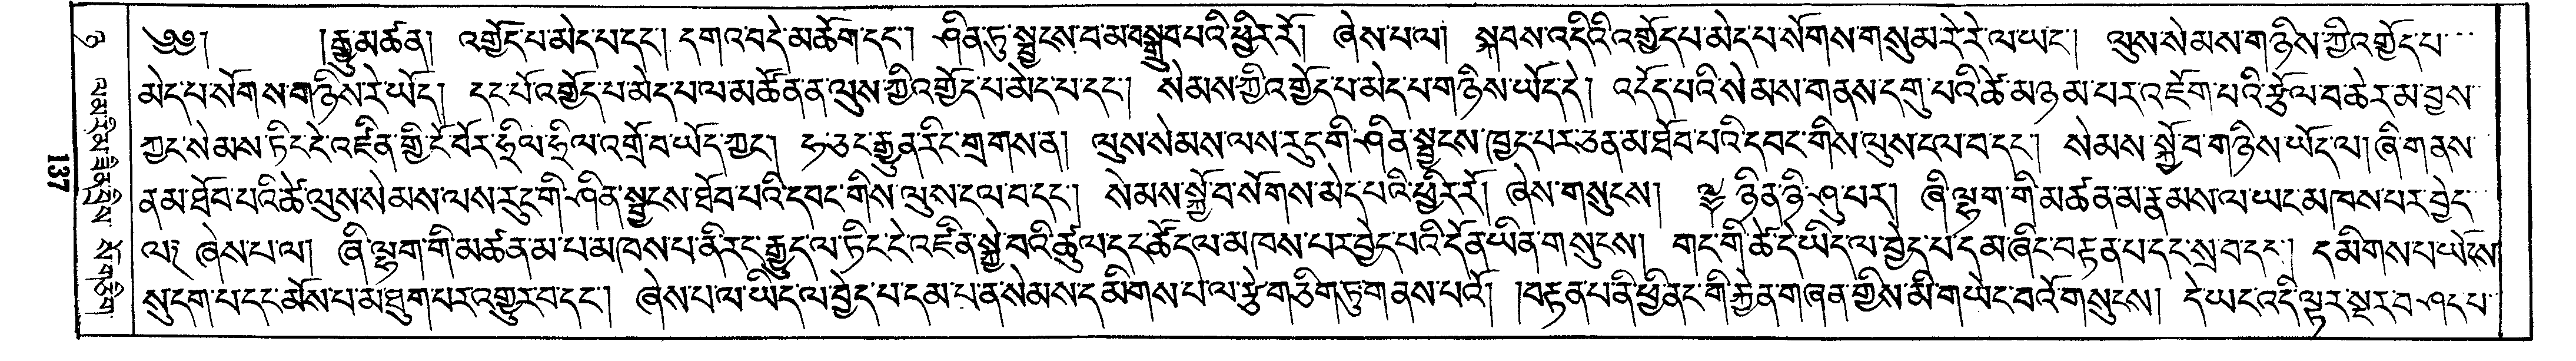༄༅། །རྒྱུ་མཚན། འགྱོད་པ་མེད་པ་དང་། དགའ་བདེ་མཆོག་དང་། ཤིན་ཏུ་སྦྱངས་པ་མ་བསྒྲུབ་པའི་ཕྱིར་རོ། ཞེས་པ་ལ། སྟོབས་འདིའི་འགྱོད་པ་མེད་པ་སོགས་གསུམ་རེ་རེ་ལ་ཡང་། ལུས་སེམས་གཉིས་ཀྱི་འགྱོད་པ་
མེད་པ་སོགས་གཉིས་རེ་ཡོད། དང་པོ་འགྱོད་པ་མེད་པ་ལ་མཚོན་ན་ལུས་ཀྱི་འགྱོད་པ་མེད་པ་དང་། སེམས་ཀྱི་འགྱོད་པ་མེད་པ་གཉིས་ཡོད་དེ། འདོད་པའི་སེམས་གནས་དགུ་བའི་ཚེ་མཉམ་པར་འཇོག་པའི་རྩོལ་བ་ཆེར་མ་བྱས་
ཀྱང་སེམས་ཏིང་ངེ་འཛིན་གྱི་ངོ་བོར་ཧྲིལ་ཧྲིལ་འགྲོ་བ་ཡོད་ཀྱང་། ཧ་ཅང་རྒྱུན་རིང་གྲགས་ན། ལུས་སེམས་ལས་རུང་གི་ཤིན་སྦྱངས་ཁྱད་པར་ཅན་མ་ཐོབ་པའི་དབང་གིས་ལུས་ངལ་བ་དང་། སེམས་སྐྱོ་བ་གཉིས་ཡོད་ལ། ཞི་གནས་
ནམ་ཐོབ་པའི་ཚེ་ལུས་སེམས་ལས་རུང་གི་ཤིན་སྦྱངས་ཐོབ་པའི་དབང་གིས་ལུས་ངལ་བ་དང་། སེམས་སྐྱོ་བ་སོགས་མེད་པའི་ཕྱིར་རོ། ཞེས་གསུངས། ༈ཉིན་ཉི་ཤུ་པར། ཞི་ལྷག་གི་མཚན་མ་རྣམས་ལ་ཡང་མཁས་པར་བྱེད་
ལ༑ ཞེས་པ་ལ། ཞི་ལྷག་གི་མཚན་མ་ལ་མཁས་པ་ནི་རང་རྒྱུད་ལ་ཏིང་ངེ་འཛིན་སྐྱེ་བའི་ཚུལ་དང་ཚོད་ལ་མཁས་པར་བྱེད་པའི་དོན་ཡིན་གསུངས། གང་གི་ཚེ་དེ་ཡིད་ལ་བྱེད་པ་དམ་ཞིང་བརྟེན་བ་དང་སྲ་བ་དང་། དམིགས་པ་ཡོངས་
སུ་དག་པ་དང་མོས་པ་མཐུག་པར་འགྱུར་བ་དང་། ཞེས་པ་ལ་ཡིད་ལ་བྱེད་པ་དམ་པ་ནི་སེམས་དམིགས་བ་ལ་རྩེ་གཅིག་ཏུ་གནས་པའོ། །བརྟན་པ་ནི་ཕྱི་ནང་གི་རྐྱེན་གཞན་གྱིས་མི་གཡེང་བའོ་གསུངས། དེ་ཡང་འདི་ལྟར་སྔར་བཤད་པ་